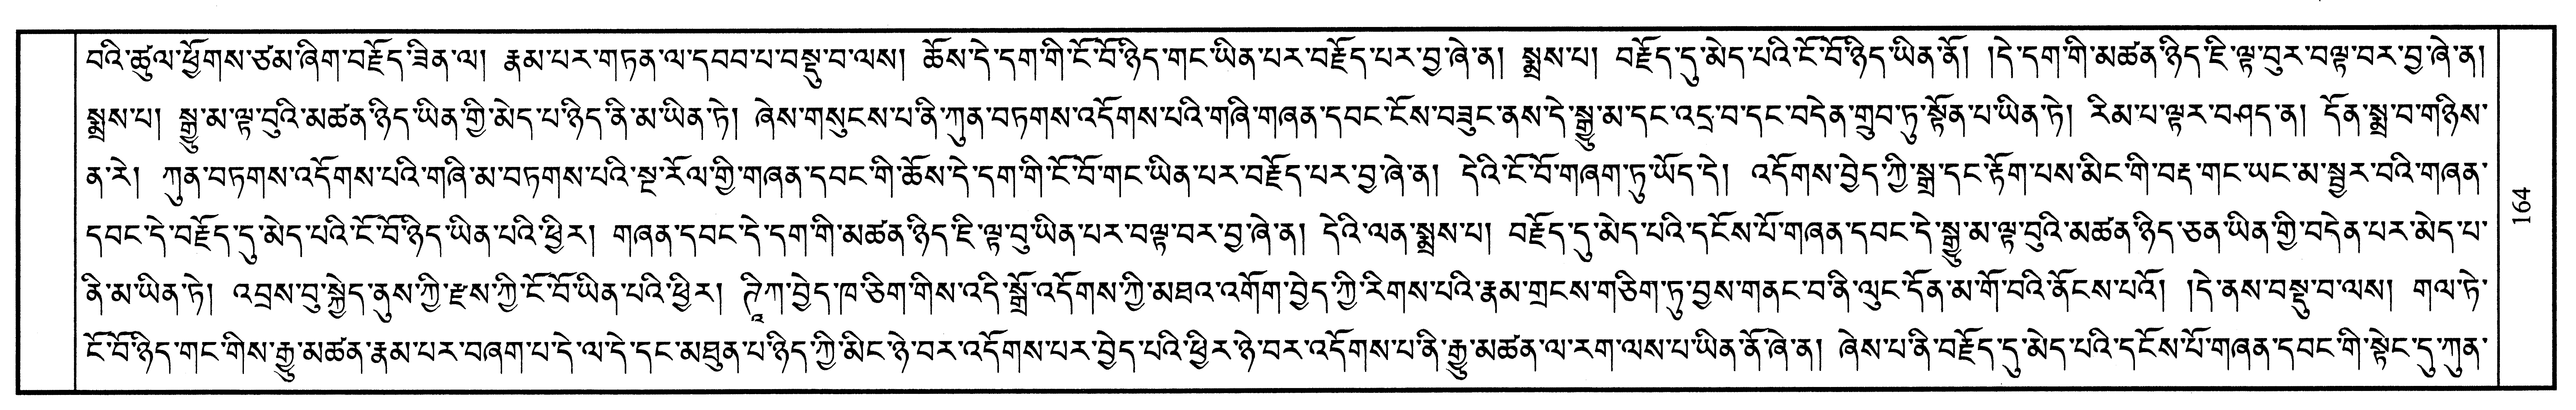བའི་ཚུལ་ཕྱོགས་ཙམ་ཞིག་བརྗོད་ཟིན་ལ། རྣམ་པར་གཏན་ལ་དབབ་པ་བསྡུ་བ་ལས། ཆོས་དེ་དག་གི་ངོ་བོ་ཉིད་གང་ཡིན་པར་བརྗོད་པར་བྱ་ཞེ་ན། སྨྲས་པ། བརྗོད་དུ་མེད་པའི་ངོ་བོ་ཉིད་ཡིན་ནོ། །དེ་དག་གི་མཚན་ཉིད་ཇི་ལྟ་བུར་བལྟ་བར་བྱ་ཞེ་ན།
སྨྲས་པ། སྒྱུ་མ་ལྟ་བུའི་མཚན་ཉིད་ཡིན་གྱི་མེད་པ་ཉིད་ནི་མ་ཡིན་ཏེ། ཞེས་གསུངས་པ་ནི་ཀུན་བཏགས་འདོགས་པའི་གཞི་གཞན་དབང་ངོས་བཟུང་ནས་དེ་སྒྱུ་མ་དང་འདྲ་བ་དང་བདེན་གྲུབ་ཏུ་སྟོན་པ་ཡིན་ཏེ། རིམ་པ་ལྟར་བཤད་ན། དོན་སྨྲ་བ་གཉིས་
ན་རེ། ཀུན་བཏགས་འདོགས་པའི་གཞི་མ་བཏགས་པའི་སྔ་རོལ་གྱི་གཞན་དབང་གི་ཆོས་དེ་དག་གི་ངོ་བོ་གང་ཡིན་པར་བརྗོད་པར་བྱ་ཞེ་ན། དེའི་ངོ་བོ་གཞག་ཏུ་ཡོད་དེ། འདོགས་བྱེད་ཀྱི་སྒྲ་དང་རྟོག་པས་མིང་གི་བརྡ་གང་ཡང་མ་སྦྱར་བའི་གཞན་
དབང་དེ་བརྗོད་དུ་མེད་པའི་ངོ་བོ་ཉིད་ཡིན་པའི་ཕྱིར། གཞན་དབང་དེ་དག་གི་མཚན་ཉིད་ཇི་ལྟ་བུ་ཡིན་པར་བལྟ་བར་བྱ་ཞེ་ན། དེའི་ལན་སྨྲས་པ། བརྗོད་དུ་མེད་པའི་དངོས་པོ་གཞན་དབང་དེ་སྒྱུ་མ་ལྟ་བུའི་མཚན་ཉིད་ཅན་ཡིན་གྱི་བདེན་པར་མེད་པ་
ནི་མ་ཡིན་ཏེ། འབྲས་བུ་སྐྱེད་ནུས་ཀྱི་རྫས་ཀྱི་ངོ་བོ་ཡིན་པའི་ཕྱིར། ཊཱིཀ་བྱེད་ཁ་ཅིག་གིས་འདི་སྒྲོ་འདོགས་ཀྱི་མཐའ་འགོག་བྱེད་ཀྱི་རིགས་པའི་རྣམ་གྲངས་གཅིག་ཏུ་བྱས་གནང་བ་ནི་ལུང་དོན་མ་གོ་བའི་ནོངས་པའོ། །དེ་ནས་བསྡུ་བ་ལས། གལ་ཏེ་
ངོ་བོ་ཉིད་གང་གིས་རྒྱུ་མཚན་རྣམ་པར་བཞག་པ་དེ་ལ་དེ་དང་མཐུན་པ་ཉིད་ཀྱི་མིང་ཉེ་བར་འདོགས་པར་བྱེད་པའི་ཕྱིར་ཉེ་བར་འདོགས་པ་ནི་རྒྱུ་མཚན་ལ་རག་ལས་པ་ཡིན་ནོ་ཞེ་ན། ཞེས་པ་ནི་བརྗོད་དུ་མེད་པའི་དངོས་པོ་གཞན་དབང་གི་སྟེང་དུ་ཀུན་